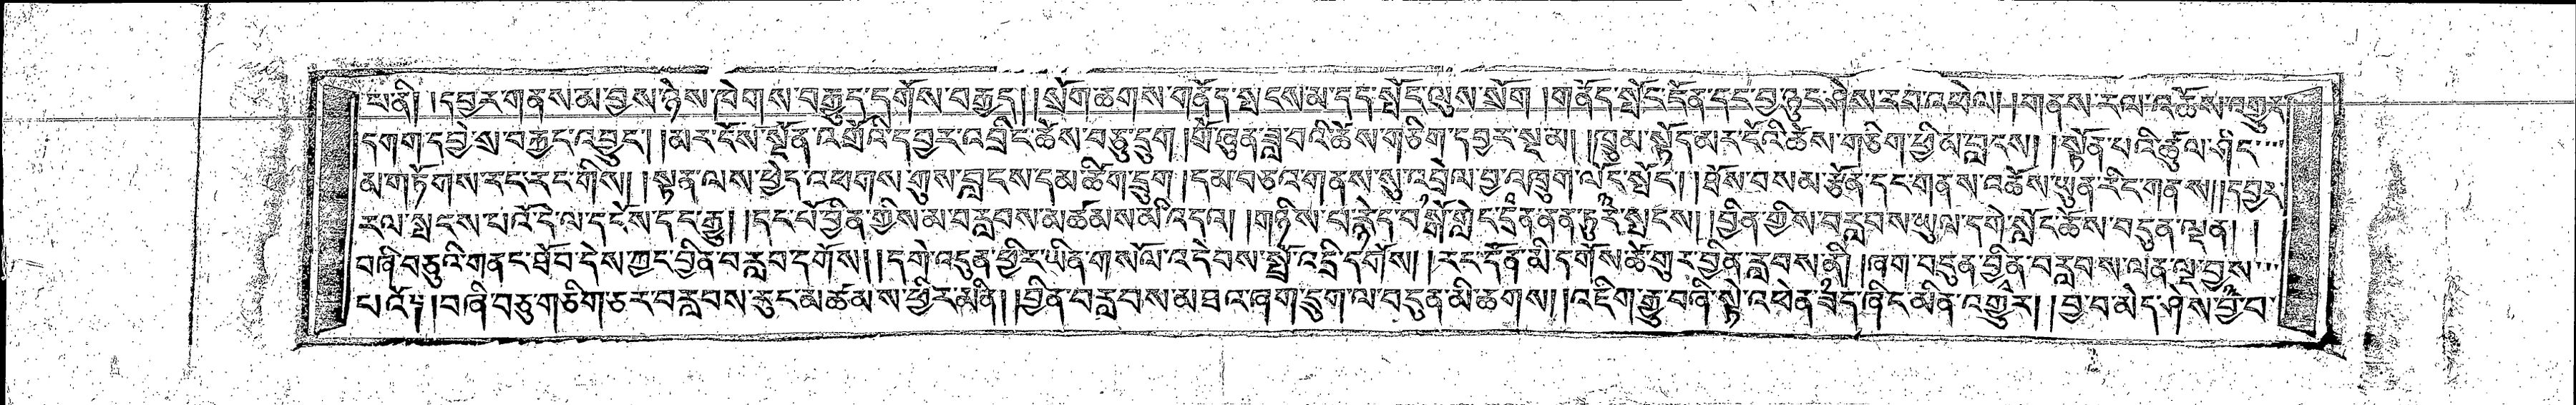པ་ནི། །དབྱར་གནས་མ་བྱས་ཉེས་ཁེགས་བརྒྱུད་དགོས་བརྒྱད། །སྲོག་ཆགས་གནོད་སྤངས་མ་དད་སྤོང་ལུས་སྲོག །གནོད་སྤོང་དོན་དང་བྱ་ཉུང་ཤེས་རབ་འཕེལ། །གནས་རལ་འཆོས་འགྱུར་
དགག་དབྱེ་སྲ་བརྐྱང་འབྱུང་། །མར་ངོས་སྔོན་འགྲོའི་དབྱར་འབྲིང་ཚེས་བཅུ་དྲུག །གྲོ་ཞུན་ཟླ་བའི་ཚེས་གཅིག་དབྱར་སྔ་མ། །ཁྲུམ་སྟོད་མར་ངོའི་ཚེས་གཅིག་ཕྱི་མ་བླངས། །སྟོན་པའི་ཚུལ་ཤིང་
མ་གཏོགས་རང་རང་གིས། །སྟན་ལས་ཕྱེད་འཕགས་གུས་བླངས་དམ་ཚིག་དྲུག །དམ་བཅའ་གནས་སུ་འབྲེལ་བྱ་འཁྲུག་ལོང་སྤོང་། །ཐོས་བསམ་རྩོན་དང་གནས་འཆོས་ཡུན་རིང་གནས། །དབྱར་
རལ་སྤངས་པའོ་དེ་ལ་དངོས་དང་རྒྱུ། །དང་པོ་བྱིན་གྱིས་མ་བརླབས་མཚམས་མི་འདའ། །གཉིས་པ་རྙེད་བསྒོ ༡་གླེང་དྲན ༢་ནན་ཏུར ༣་སྤངས། །བྱིན་གྱིས་བརླབས་ཡུལ་དགེ་སློང་ཆོས་བདུན་ལྡན། །
བཞི་བཅུའི་གནང་ཐོབ་དེས་ཀྱང་བྱིན་བརླབ་དགོས། །དགེ་འདུན་ཕྱིར་ཡིན་གསོལ་འདེབས་སྤྲོ་འདྲི་དགོས། །རང་དོན་མི་དགོས་ཚེ་གུར་བྱིན་རླབས་ནི། །ཞག་བདུན་བྱིན་བརླབས་ལན་ལྔ་བྱས་
པའོ༑ །བཞི་བཅུ་གཅིག་ཅར་བརླབས་རུང་མཚམས་ཕྱིར་མིན། །བྱིན་བརླབས་མཐའ་ཞག་དྲུག་ལ་བདུན་མི་ཆགས། །འཇིག་རྒྱུ་བཞི་སྟེ་འཕེན་ཟད ༡་ཞིང་མིན་འགྱུར ༢་། །བྱ་བ་མེད་ཤེས་བྱ ༣་བ་